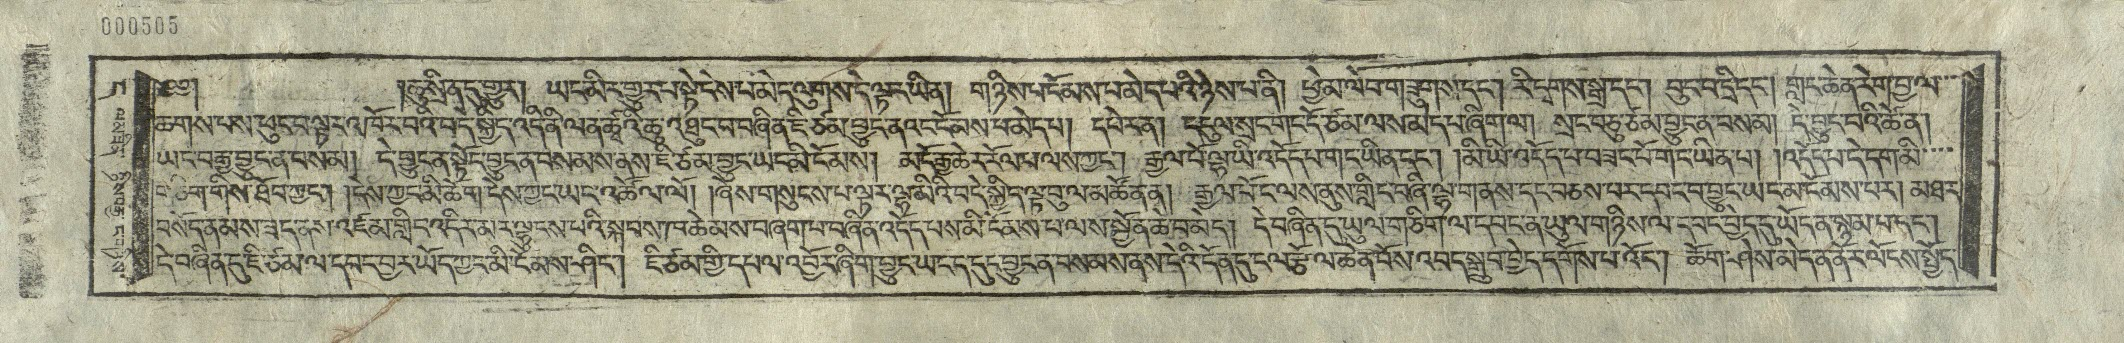༄༅། །ཆུ་སྲིན་དུ་གྱུར། ཡང་མིར་གྱུར་པ་སྟེ་ངེས་པ་མེད་ལུགས་དེ་ལྟར་ཡིན། གཉིས་པ་ངོམས་པ་མེད་པའི་ཉེས་པ་ནི། ཕྱེ་མ་ལེབ་གཟུགས་དང་། རི་{དྭགས}་སྒྲ་དང་། བུང་བ་དྲི་དང་། གླང་ཆེན་རེག་བྱ་ལ་
ཆགས་པས་ཕུང་བ་ལྟར་འཁོར་བའི་བདེ་སྐྱིད་འདི་ནི་ལན་{ཚྭའི}་ཆུ་འཐུང་བ་བཞིན་ཇི་ཙམ་བྱུང་ནའང་ངོམས་པ་མེད་པ། དཔེར་ན། དངུལ་སྲང་གང་དོ་ཙམ་ལས་མེད་པ་ཞིག་ལ། སྲང་བཅུ་ཙམ་བྱུང་ན་བསམ། དེ་བྱུང་བའི་ཚེ་ན།
ཡང་བརྒྱ་བྱུང་ན་བསམ། དེ་བྱུང་ན་སྟོང་བྱུང་ན་བསམས་ནས་ཇི་ཙམ་བྱུང་ཡང་མི་ངོམས། མདོ་རྒྱ་ཆེར་རོལ་པ་ལས་ཀྱང་། རྒྱལ་པོ་ལྷ་ཡི་འདོད་པ་གང་ཡིན་དང་། །མི་ཡི་འདོད་པ་བཟང་པོ་གང་ཡིན་པ། །འདོད་པ་དེ་དག་མི་
གཅིག་གིས་ཐོབ་ཀྱང་། །དེས་ཀྱང་མི་ཆོག་དེས་ཀྱང་ཡང་འཚོལ་ལོ། །ཞེས་གསུངས་པ་ལྟར་ལྷ་མིའི་བདེ་སྐྱིད་ལྟ་བུ་ལ་མཚོན་ན། རྒྱལ་པོ་ང་ལས་ནུས་གླིང་བཞི་ལྷ་གནས་དང་བཅས་པར་དབང་བ་བྱུང་ཡང་མ་ངོམས་པར། མཐར་
བསོད་ནམས་ཟད་ནས་འཛམ་གླིང་འདིར་མར་ལྷུངས་པའི་སྐབས་ཁ་ཆེམས་བཞག་པ་བཞིན་འདོད་པས་མི་ངོམས་པ་ལས་སྐྱོན་ཆེ་བ་མེད། དེ་བཞིན་དུ་ཡུལ་གཅིག་ལ་དབང་ན་ཡུལ་གཉིས་ལ་དབང་བྱེད་དུ་ཡོད་ན་སྙམ་པ་དང་།
དེ་བཞིན་དུ་ཇི་ཙམ་ལ་དབང་བྱར་ཡོད་ཀྱང་མི་ངོམས་ཤིང་། ཇི་ཙམ་གྱི་དཔལ་འབྱོར་ཞིག་བྱུང་ཡང་ད་དུང་བྱུང་ན་བསམས་ནས་དེའི་དོན་དུ་ངལ་རྩོལ་ཆེན་པོས་འབད་སྒྲུབ་བྱེད་དགོས་པ་འོང་། ཆོག་ཤེས་མེད་ན་ནོར་ལོངས་སྤྱོད་